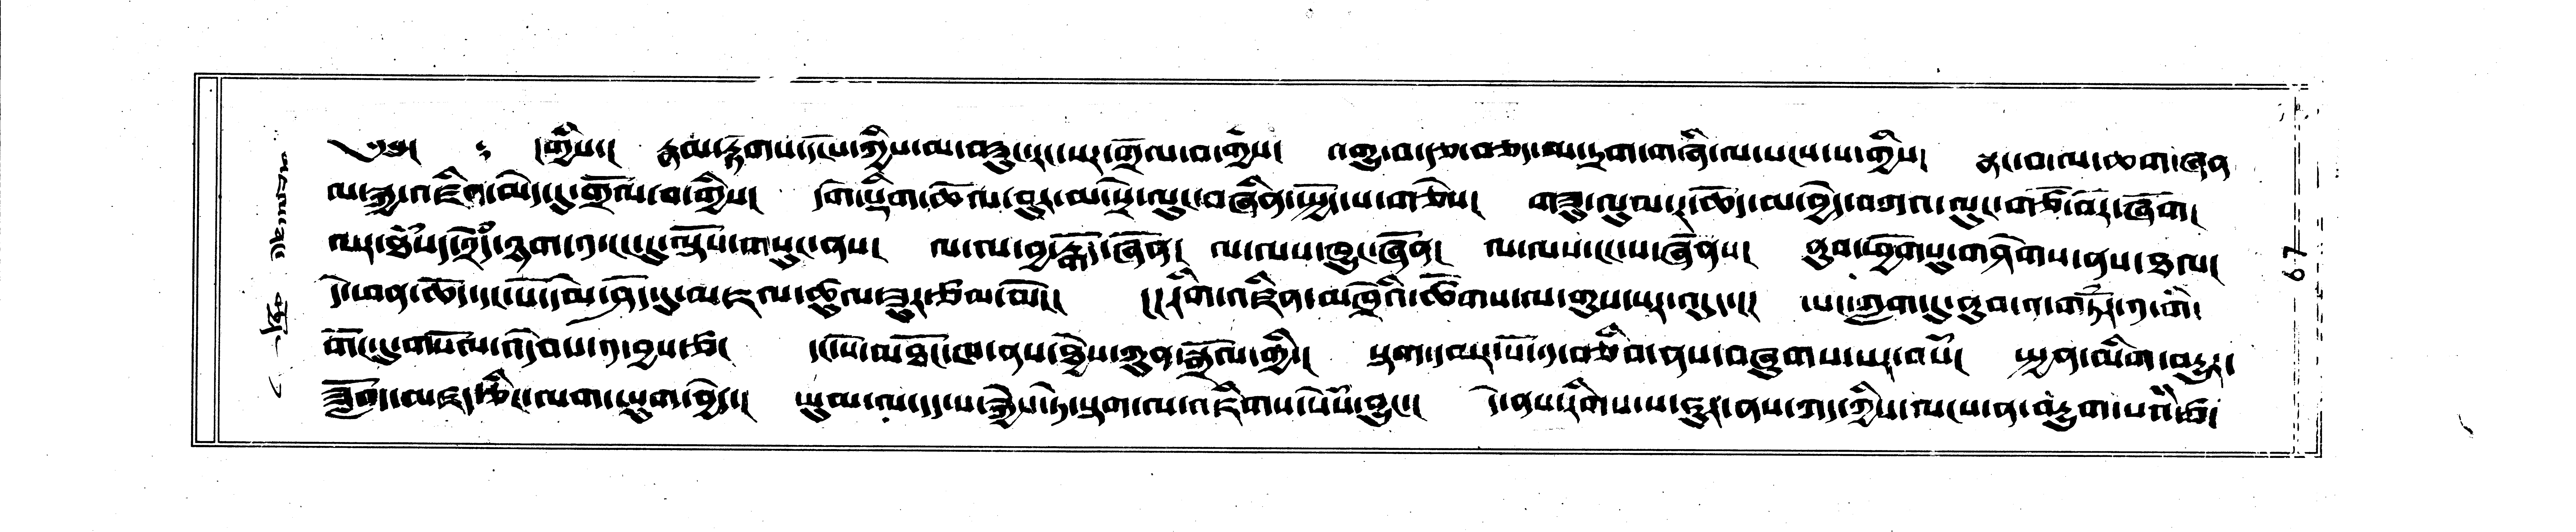གྱིས། རྣམ་རྟོག་དངོས་ཀྱིས་མ་བཟུང་རང་སར་གྲོལ་བ་གྱིས། འགྱུ་བ་རྩ་བཅད་མ་དྲག་གཞི་ལ་སངས་པ་གྱིས། སྣང་བ་ལ་ཆགས་ཞེན་
མ་སྐྱེ་འཛིན་མེད་དུ་གྲོལ་བ་གྱིས། དགེ་སྡིག་ཆོལ་བུར་མ་བསྲེ་ལུང་བཞིན་སྤྱོད་པ་གཅེས། གཟུ་ལུམ་ར་ཆོད་མ་བྱེད་བཀའ་ལུང་གཙོ་བོར་ཞོག 
ལར་ཐམས་ཅད་གཉིས་མེད་ཉག་གཅིག་ངང་དུ་ལྟོས། གསུངས་ནས། ལ་ལས་བྱ་རྒོད་ཞོན། ལ་ལས་ཁྱུང་ཞོན། ལ་ལས་ངང་པ་ཞོན་ནས། ནུབ་ཕྱོགས་སུ་གཤེགས་ནས་ཐལ། 
དེ་ཕན་ཆོད་དང་པོ་དེམ་ཤོད་དུ་མཇལ་ཚུལ་ཟུར་ཙམ་མོ།། །། རིག་འཛིན་མཁའ་འགྲོའི་ཚོགས་ལ་གུས་པར་འདུད། ཡང་གླག་དུ་ནུབ་གཅིག་གཏོར་མ་གཅིག་གི་
གོང་དུ་གསོལ་འདེབས་གཅིག་བྱས་ཙ། དང་པོ་མཐོང་ཁ་ནས་ཐུགས་རྗེ་ཀུན་སྒྲོལ་གྱིས། སྟག་དམར་པོ་གཅིག་བཅིབ་ནས་བཞུགས་པར་བསམ། སྤྱན་མིག་བསྒྱུར་
ཟློག་མཛད་ཅིང་ལག་གཡུག་བྱེད། ཡུམ་ལ་དད་པ་སྐྱེས་ཏེ་སྟག་ལ་འཇིགས་སེམས་བྱུང་། དེ་ནས་རིགས་པ་ཧུར་ནས་ཀད་ཀྱིས་ལངས་ནས་བརྒྱུག་པའི་ཙ་